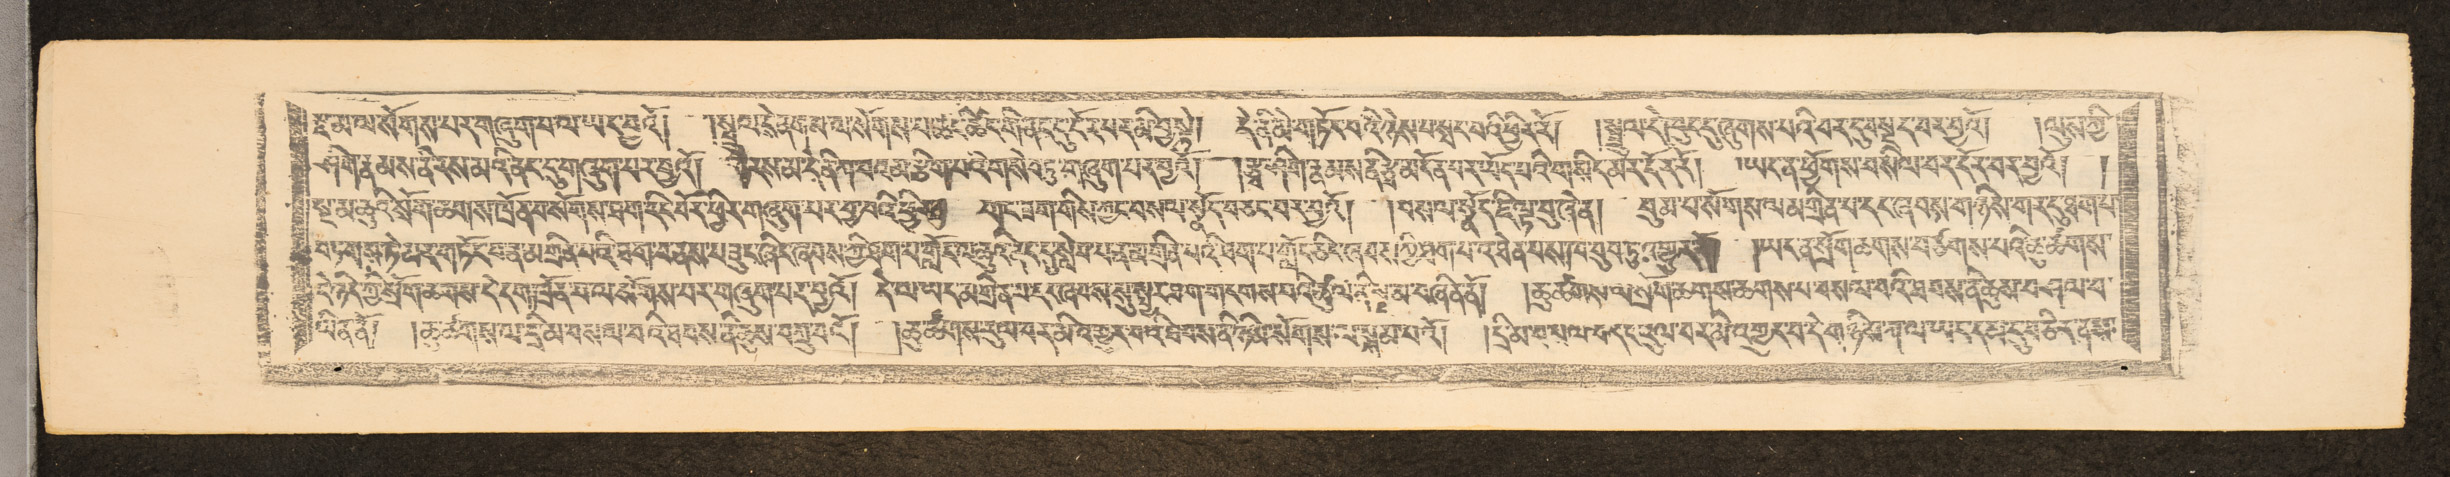ཕྲ་མོར་འགྱུར་རོ། །ཆུའི་རྒྱུན་མགྱོགས་པར་འགྲོ་བ་དེ་ལ་དགེ་སློང་ཆུ་མགོར་སྲོག་ཆགས་ཡོད་མེད་བརྟགས་ནས་བརྟགས་པའི་ཆུ་དེ་དང་མཉམ་དུ་རྒྱུན་ཕྱོགས་སུ་འབྲེལ་བར་འགྲོ་བ་ནི་སྔར་ཆུ་བརྟགས་པར་བྱས་པ་དེས་རྒྱང་གྲགས་གཅིག་
གི་བར་དུ་བརྟག་མི་དགོས་པར་ཆུ་ལ་འདོད་དགུར་འཇུག་ཏུ་རུང་ངོ། །དམིགས་བསལ་ནི། གལ་ཏེ་བརྟགས་པའི་ཆུ་དེ་རྒྱང་གྲགས་ཀྱི་ནང་ཡན་ཆད་དུ་ཆུ་གཞན་དང་འདྲེས་པར་གྱུར་ན་འདྲེས་པ་དེ་ཡན་ཆད་དུ་མ་བརྟགས་པར་འཇུག་ཏུ་
དུང?་གིས་ཕྱིན་ཆད་བརྟག་དགོས་སོ། །གཉིས་པ་ཆུ་བརྟག་པའི་ཚུལ་ནི། འཁྱིལ་ཆུ་ལྟ་བུ་ལ་ཕོར་གང་ཙམ་ལ་བརྟགས་པ་ནས་འདོམ་གང་ཁོར་ཡུག་ཚུན་ཆད་ནི་བརྟགས་པ་དེ་ཉིད་ཡིན་ནོ། །ཇི་ཙམ་གྱིས་ཆུ་དག་པ་ཡིན་ཞེ་ན།
ཐ་མལ་པའི་མིག་སྐྱོན་མེད་ཀྱིས་སྲོག་ཆགས་མ་མཐོང་བར་དག་པ་ཉིད་ཀྱི་ཆུ་ནི་དག་པ་ཡིན་ནོ། །མིག་གང་གིས་ཤེན། ཐ་མལ་པའི་ཤའི་མིག་གིས་དག་པ་ཡིན་གྱི་ལྷའི་མིག་ལ་སོགས་པས་མིན་ནོ། །ཆུ་ཇི་ལྟ་བུ་ལ་སྲོག་
ཆགས་ཡོད་མེད་བརྟག་ཅེ་ན། མི་གཡོ?་པ་དང་སྙོག་བ་མེད་པ་ལ་བརྟག་པར་བྱའོ། །བུམ་པ་ཆུས་གང་བ་ཉིད་ལ་བརྟག་པར་བྱའོ། །ཡུན་ཇི་ཙམ་དུ་བརྟག་ཅེ་ན། ཆུ་བརྟག་པ་དེ་ལ་བྱ་བ་ལས་འདས་པར་བགྲང་བའི་ཡུན་རིང་
པོ་ཉིད་དུ་བརྟག་པར་མི་བྱའོ། །སྲོག་ཆགས་ཡིན་མིན་ཐེ་ཚོམ་ཟ་ན། རྩལ་སོགས་པའི་རྩེ་མོ་འཇམ་པོས་བསྟན་ན་བརྟག་པར་སླའོ། །བརྟག་ནས་ཇི་ལྟར་སྒྲུབ་ཅེ་ན། སྲོལ་ཆགས་མེད་ན་ལོངས་སྤྱོད་ཅིང་། འདུག་ན་